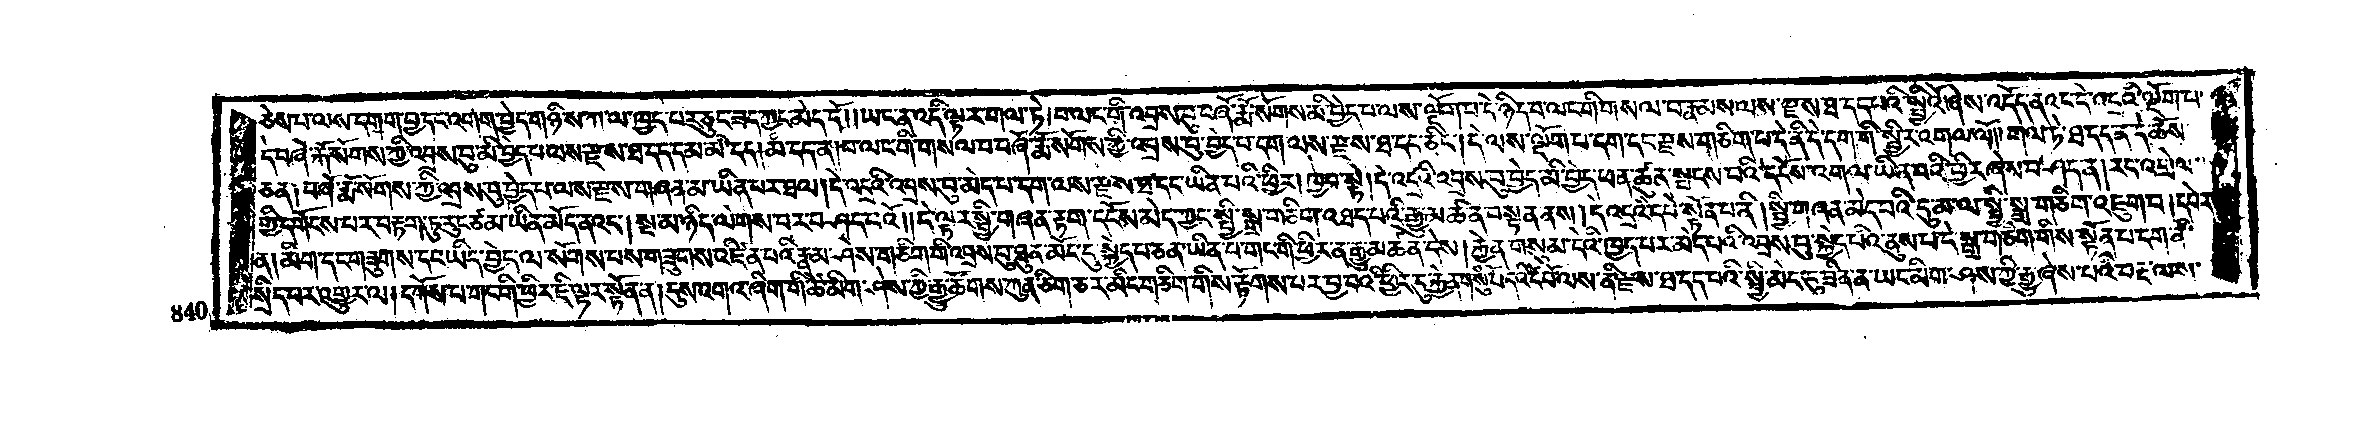ཅེས་པ་ལས་དགག་བྱ་དང་འགོག་བྱེད་གཉིས་ཀ་ལ་ཁྱད་པར་ཅུང་ཟད་ཀྱང་མེད་དོ། །ཡང་ན་འདི་ལྟར་གལ་ཏེ། བ་ལང་གི་འབྲས་བུ་བཞོ་རྨོ་སོགས་མི་བྱེད་པ་ལས་ལྡོག་པ་དེ་ཉིད་བ་ལང་གི་གསལ་བ་རྣམས་ལས་རྫས་ཐ་དད་པའི་སྤྱིའོ་ཞེས་འདོད་ནའང་དེ་འདྲའི་ལྡོག་པ་
དེ་བཞེ་རྐོ་སོགས་ཀྱི་འབྲས་བུ་མི་བྱེད་པ་ལས་རྫས་ཐ་དད་དམ་མི་དད། མི་དད་ན། བ་ལང་གི་གསལ་བ་བཞོ་རྨོ་སོགས་ཀྱི་འབྲས་བུ་བྱེད་པ་དག་ལས་རྫས་ཐ་དད་ཅིང་། དེ་ལས་ལྡོག་པ་དག་དང་རྫས་གཅིག་པ་དེ་ནི་དེ་དག་གི་སྤྱིར་འགལ་ལོ། །གལ་ཏེ་ཐ་དད་ན་དེ་ཆོས་
ཅན། བཞོ་རྨོ་སོགས་ཀྱི་འབྲས་བུ་བྱེད་པ་ལས་རྫས་གཞན་མ་ཡིན་པར་ཐལ། དེ་འདྲའི་འབྲས་བུ་མེད་པ་དག་ལས་རྫས་ཐ་དད་ཡིན་པའི་ཕྱིར། ཁྱབ་སྟེ། དེ་འདྲའི་འབྲས་བུ་བྱེད་མི་བྱེད་ཕན་ཚུན་སྤངས་པའི་དངོས་འགལ་ཡིན་པའི་ཕྱིར་ཞེས་བཤད་ན། རང་འགྲེལ་
གྱི་དགོངས་པར་བརྟག་ཏུ་རུང་ཙམ་ཡིན་མོད་ནའང་། སྔ་མ་ཉིད་ལེགས་པར་བཤད་པའོ། །དེ་ལྟར་སྤྱི་གཞན་རྟག་དངོས་མེད་ཀྱང་སྤྱི་སྒྲ་གཅིག་འཐད་པའི་རྒྱུ་མཚན་བསྟན་ནས། དེ་འདྲའི་དཔེ་སྟོན་པ་ནི། སྤྱི་གཞན་མེད་པའི་དུ་མ་ལ་སྤྱི་སྒྲ་གཅིག་འཇུག་པ། དཔེར་
ན། མིག་དང་གཟུགས་དང་ཡིད་བྱེད་ལ་སོགས་པས་གཟུགས་འཛིན་པའི་རྣམ་ཤེས་གཅིག་གི་འབྲས་བུ་ཐུན་མོང་དུ་སྐྱེད་པ་ཅན་ཡིན་པ་གང་གི་ཕྱིར་ན་རྒྱུ་མཚན་དེས། རྐྱེན་གསུམ་དེའི་ཁྱད་པར་མེད་པའི་འབྲས་བུ་སྐྱེད་པའི་ནུས་པ་དེ་སྒྲ་གཅིག་གིས་སྟོན་པ་དག་ནི་
སྲིད་པར་འགྱུར་ལ། དགོས་པ་གང་གི་ཕྱིར་ཇི་ལྟར་སྟོན་ན། དུས་འགའ་ཞིག་གི་ཚེ་མིག་ཤེས་ཀྱི་རྒྱུ་ཚོགས་ཀུན་ཅིག་ཅར་མིང་གཅིག་གིས་རྟོགས་པར་བྱ་བའི་ཕྱིར་དུ་རྐྱེན་གསུམ་པོ་དེའི་ངོ་བོ་ལས་ནི་རྫས་ཐ་དད་པའི་སྤྱི་མེད་དུ་ཟིན་ན་ཡང་མིག་ཤེས་ཀྱི་རྒྱུ་ཞེས་པའི་བརྡ་ལས་